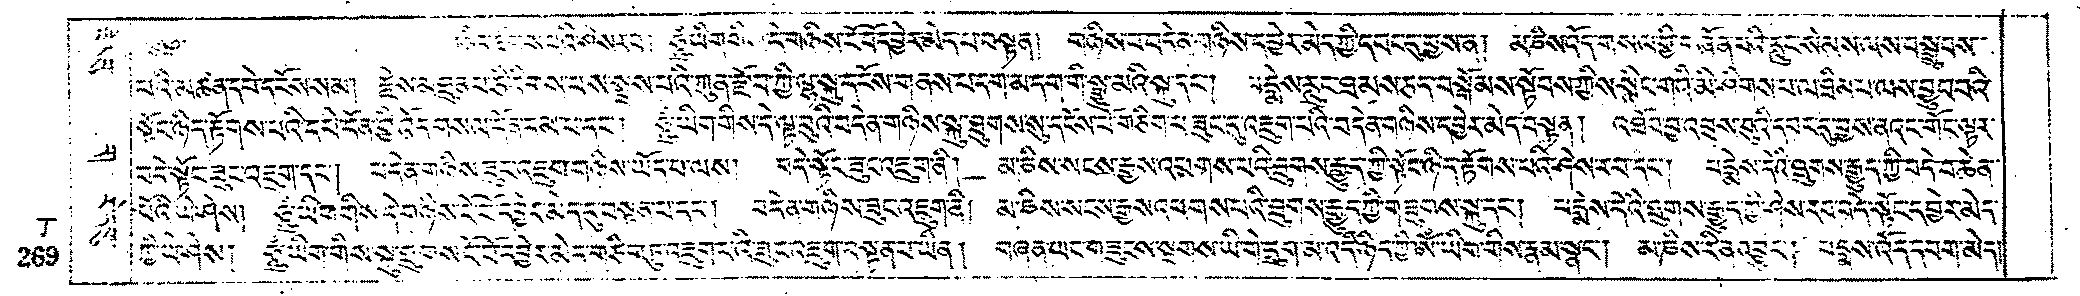༄༅། །ཉིད་རྟོགས་པའི་ཤེས་རབ། ཧཱུཾ་ཡིག་གིས་དེ་གཉིས་ངོ་བོ་དབྱེར་མེད་པ་བསྟན། གཉིས་པ་བདེན་གཉིས་དབྱེར་མེད་ཀྱི་དབང་དུ་བྱས་ན། མ་ཎིས་འོད་གསལ་གྱི་བཞོན་པའི་རླུང་སེམས་ལས་བསྒྲུབས་་་
པའི་མཚན་དཔེ་དངོས་སམ། རྗེས་མཐུན་པ་ཅི་རིགས་པས་སྤྲས་པའི་ཀུན་རྫོབ་ཀྱི་ལྷ་སྐུ་དངོས་གནས་པ་དག་མ་དག་གི་སྒྱུ་མའི་སྐུ་དང་། པདམེས་རླུང་ཐམས་ཅད་བསྒོམས་སྟོབས་ཀྱིས་སྙིང་གའི་མི་ཤིགས་པ་ལ་ཐིམ་པ་ལས་བྱུང་བའི་
སྟོང་ཉིད་རྟོགས་པའི་དཔེ་དོན་གྱི་འོད་གསལ་དོན་དམ་པ་དང་། ཧཱུཾ་ཡིག་གིས་དེ་ལྟ་བུའི་བདེན་གཉིས་སྐུ་ཐུགས་སུ་དངོས་པོ་གཅིག་པ་ཟུང་དུ་འཇུག་པའི་བདེན་གཉིས་དབྱེར་མེད་བསྟན། འཐོབ་བྱ་འབྲས་བུའི་དབང་དུ་བྱས་ནའང་གོང་ལྟར་
བདེ་སྟོང་ཟུང་འཇུག་དང་། བདེན་གཉིས་ཟུང་འཇུག་གཉིས་ཡོད་པ་ལས། བདེ་སྟོང་ཟུང་འཇུག་ནི། མ་ཎི་ས་སངས་རྒྱས་འཕགས་པའི་ཐུགས་རྒྱུད་ཀྱི་སྟོང་ཉིད་རྟོགས་པའི་ཤེས་རབ་དང་། པདམེས་དེའི་ཐུགས་རྒྱུད་ཀྱི་བདེ་བ་ཆེན་་་
པོའི་ཡེ་ཤེས། ཧཱུཾ་ཡིག་གིས་དེ་གཉིས་ངོ་བོ་དབྱེར་མེད་དུ་བསྟན་པ་དང་། བདེན་གཉིས་ཟུང་འཇུག་ནི། མ་ཎི་ས་སངས་རྒྱས་འཕགས་པའི་ཐུགས་རྒྱུད་ཀྱི་གཟུགས་སྐུ་དང་། པདམེས་དེའི་ཐུགས་རྒྱུད་ཀྱི་ཤེས་རབ་བདེ་སྟོང་དབྱེར་མེད་
ཀྱི་ཡེ་ཤེས། ཧཱུཾ་ཡིག་གིས་སྐུ་ཐུགས་ངོ་བོ་དབྱེར་མེད་གཅིག་ཏུ་འཇུག་པའི་ཟུང་འཇུག་བསྟན་པ་ཡིན། གཞན་ཡང་གཟུངས་སྔགས་ཡི་གེ་དྲུག་མ་འདི་ཉིད་ཀྱི་ཨོཾ་ཡིག་གིས་རྣམ་སྣང་། མ་ཎིས་རིན་འབྱུང་། པདམས་འོད་དཔག་མེད།